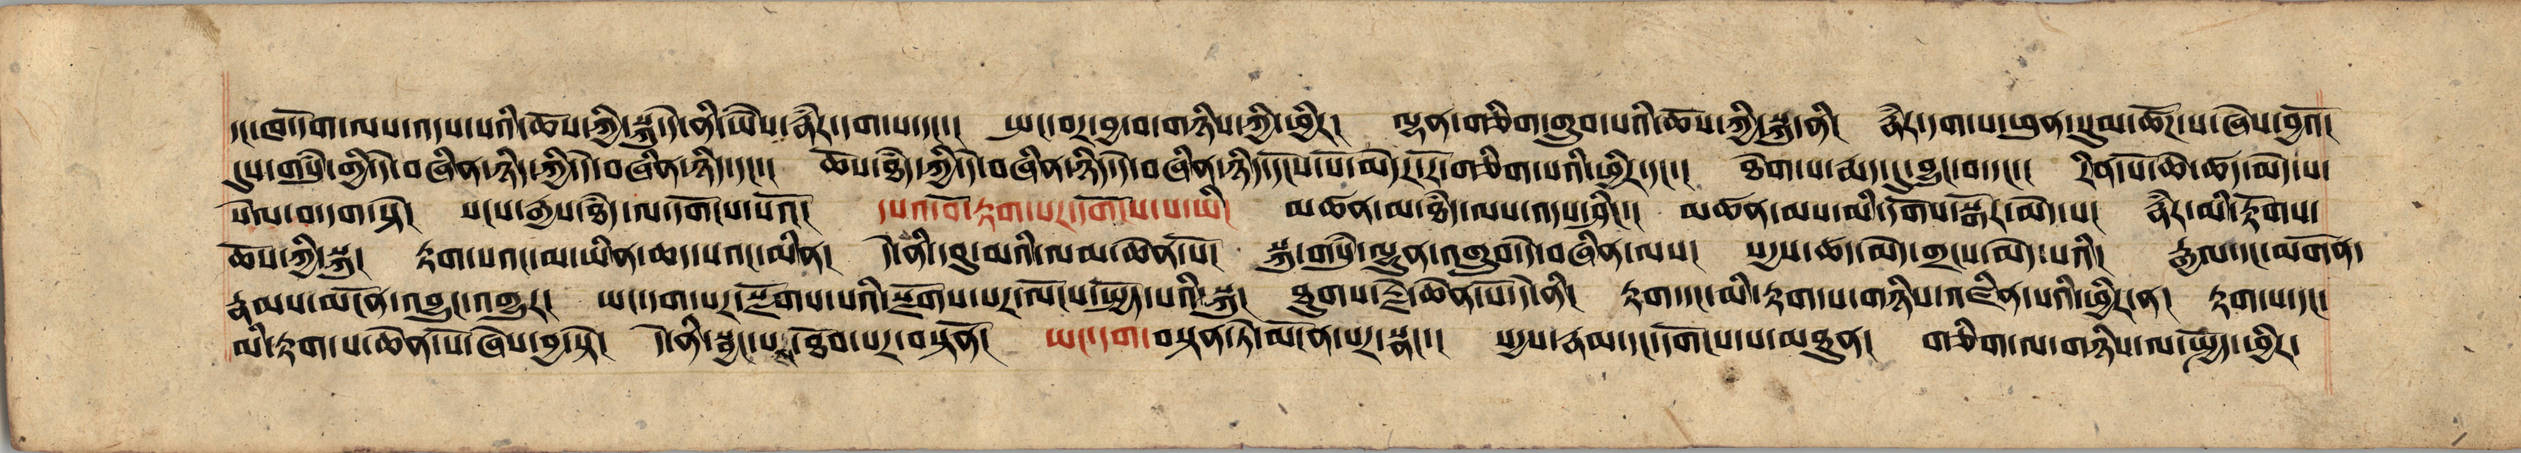དང་ཁ་དོག་ལས་འདས་པའི་ཆོས་ཀྱི་སྐུ་དེ་ནི་ཡཻས་རྣཾར་དག་པ་དང་། སྤང་བར་བྱ་བ་གཉིས་ཀྱིཕྱིར། ལྷན་གཅིག་གྲུབ་པའི་ཆོས་ཀྱི་སྐུ་ནི། རྣཾར་དག་པ་ཕུན་སུམ་ཚོཌ་པ་ཞེས་བྱའོ།
དུས་གསུཾ་གྱི་དེ་བཞིན་ཉིད་ཀྱི་དེ་བཞིན་ཉིད་དང་། ཆོས་ཐདཾ་ཀྱི་དེ་བཞིན་ཉིད་དེ་བཞིན་ཉིད་དངོས་པོ་མེདར་རོ་གཅོག་པའི་ཕྱིར་དང་། ཐེག་པ་རྨད་དུ་བྱུང་བ་དང་། རིན་པོ་ཆེ་ཚད་མེད་པ་
སེལ་བ་དག་སྟེ། སངས་རྒྱས་ཐཾད་ལ་དགོངས་པའོ། དཔའ་བོ་རྟག་པར་དགོངས་པ་ཡི། མཚན་མ་ཐྃད་ལས་འདས་ཤིང་། མཚན་ལས་མི་དགོས་སྒོར་མེད་པ། རྣཾར་མི་རྟོགས་
ཆོས་ཀྱི་སྐུ། རྟག་པའང་མ་ཡིན་ཆད་པའང་མིན། དེ་ནི་དབུ་མའི་ལམ་ཆེན་པོ། སྐུ་གསུཾ་ལྷུན་འགྲུབ་དེ་བཞིན་ལས། སདྱས་ཚད་མེད་གྲངས་མེད་པའི། རྒྱལ་དང་མགོན་
རྣམས་མངོན་འབྱུང་འགྱུར། ཡང་དག་པར་སྫོགས་པའི་སྫོགས་པར་ལོངས་སྤྱོད་པའི་སྐུ། ཐུགས་རྗེ་ཆེན་པོ་དེ་ནི། རྟག་དང་མི་རྟག་པ་གཉིས་འཛིན་པའི་ཕྱིར་ན་། རྟག་པ་དང་
མི་རྟག་པ་ཆེན་པོ་ཞེས་བྱ་སྟེ། དེ་ནི་སྦྱང་པས་ཐོབ་པར་བསྟནོ། ཡང་དག་བསྟན་ཏེ་མངོན་པར་སྣང་། སདྱས་རྣམ་དང་དགོངས་པ་མཐུན། གཅིག་ལ་གཉིས་ལ་སྤྱོད་ཕྱིར་